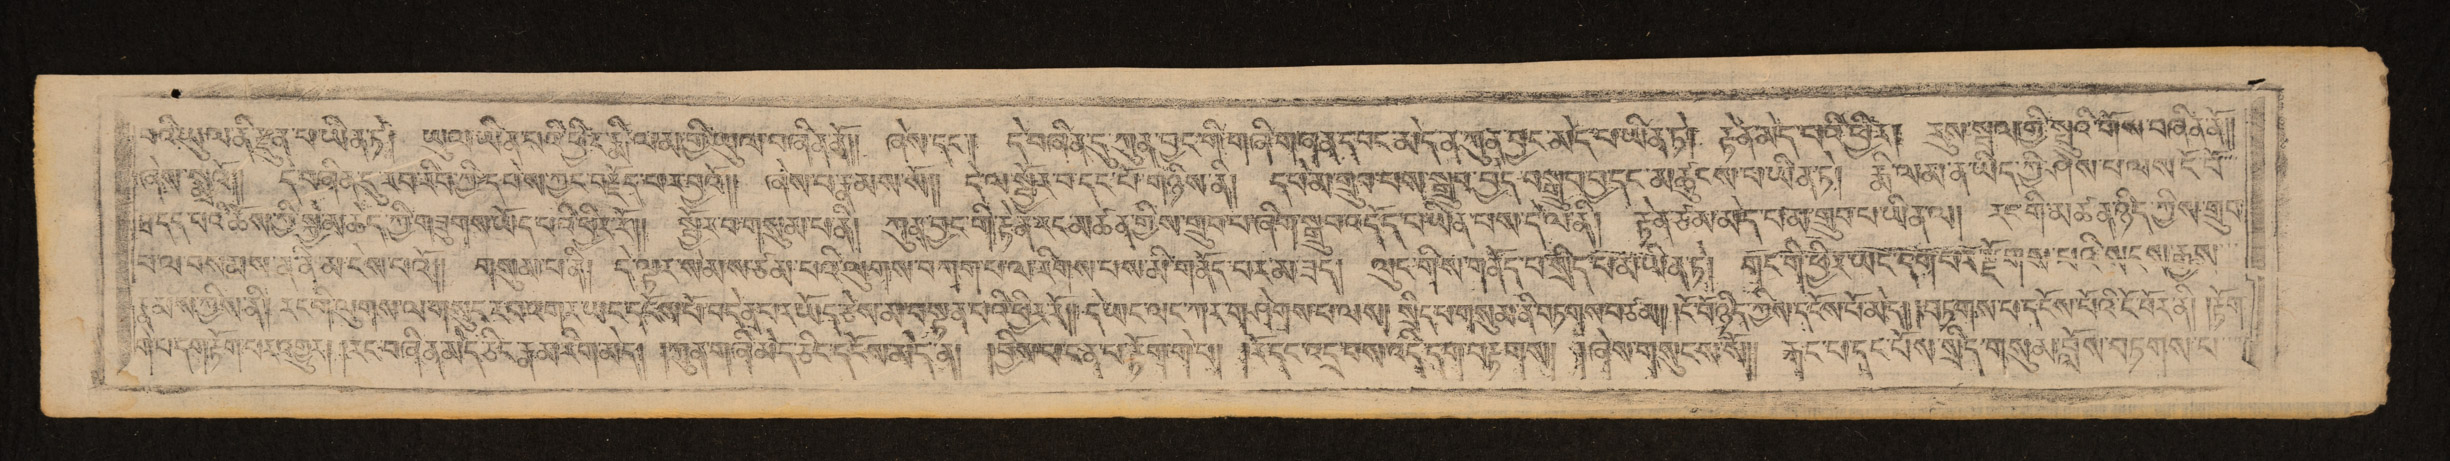པའི་ཡུལ་ནི་རྫུན་པ་ཡིན་ཏེ། ཡུལ་ཡིན་པའི་ཕྱིར་རྨི་ལམ་གྱི་ཡུལ་བཞིན་ནོ།། ཞེས་དང་། དེ་བཞིན་དུ་ཀུན་བྱང་གི་གཞི་གཞན་དབང་མེད་ན་ཀུན་བྱང་མེད་པ་ཡིན་ཏེ། རྟེན་མེད་པའི་ཕྱིར། རུས་སྦལ་གྱི་སྤུའི་གོས་བཞིན་ནོ།།
ཞེས་སྨྲའོ།། དེ་བཞིན་དུ་རབ་རི་བ་ཀྱི་དཔེས་ཀྱང་བརྗོད་པར་བྱའོ།། ཞེས་པ་རྣམས་སོ།། དེ་ལ་སྦྱོར་བ་དང་པོ་གཉིས་ནི། དཔེ་མ་གྲུབ་པས་སྒྲུབ་བྱེད་བསྒྲུབ་བྱ་དང་མཚུངས་པ་ཡིན་ཏེ། རྨི་ལམ་ན་ཡིད་ཀྱི་ཤེས་པ་ལས་ངོ་བོ་
ཐ་དད་པའི་ཆོས་ཀྱི་སྐྱེ་མཆེད་ཀྱི་གཟུགས་ཡོད་པའི་ཕྱིར་རོ།། སྦྱོར་བ་གསུམ་པ་ནི། ཀུན་བྱང་གི་རྟེན་རང་མཚན་གྱིས་གྲུབ་པ་ཞིག་སྒྲུབ་འདོད་པ་ཡིན་པས་དེ་ལ་ནི། རྟེན་ཙམ་མེད་པ་མ་གྲུབ་པ་ཡིན་ལ། རང་གི་མཚན་ཉིད་ཀྱིས་གྲུབ་
པ་ལ་བསམས་ན་ནི་མ་ངེས་པའོ།། གསུམ་པ་ནི། དེ་ལྟར་སེམས་ཙམ་པའི་ལུགས་བཀག་པ་ལ་རིགས་པས་མི་གནོད་པར་མ་ཟད། ལུང་གིས་གནོད་པ་སྲིད་པ་མ་ཡིན་ཏེ། གང་གི་ཕྱིར་ཡང་དག་པར་རྫོགས་པའི་སངས་རྒྱས་
རྣམས་ཀྱིས་ནི། རང་གི་ལུགས་ལ་གསུང་རབ་འགར་ཡང་དངོས་པོ་བདེན་པར་ཡོད་ཅེས་མ་བསྟན་པའི་ཕྱིར་རོ།། དེ་ཡང་ལང་ཀར་གཤེགས་པ་ལས། སྲིད་པ་གསུམ་ནི་བཏགས་པ་ཙམ། །ངོ་བོ་ཉིད་ཀྱིས་དངོས་པོ་མེད། །བཏགས་པ་དངོས་པོའི་ངོ་བོར་ནི། །རྟོག་
གེ་བ་དག་རྟོག་པར་འགྱུར། །རང་བཞིན་མེད་ཅིང་རྣམ་རིག་མེད། །ཀུན་གཞི་མེད་ཅིང་དངོས་མེད་ན། །བྱིས་པ་ངན་པ་རྟོག་གེ་བ། །རོ་དང་འདྲ་བས་འདི་དག་བརྟགས། །ཞེས་གསུངས་སོ།། རྐང་པ་དང་པོས་སྲིད་གསུམ་བློས་བཏགས་པ་